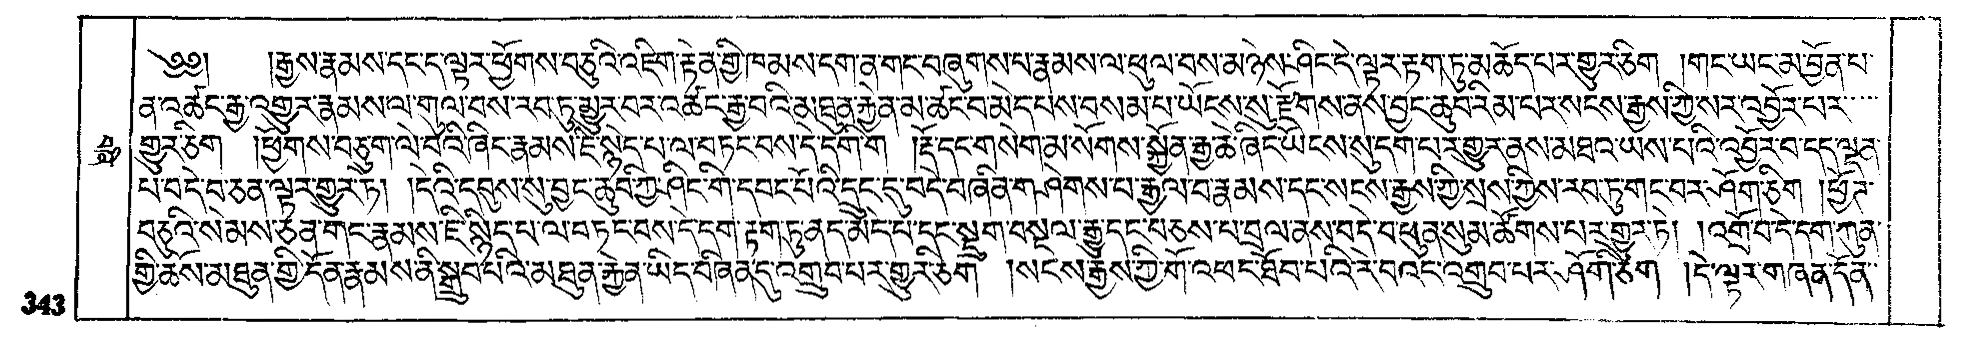༄༅། །རྒྱས་རྣམས་དང་ད་ལྟར་ཕྱོགས་བཅུའི་འཇིག་རྟེན་གྱི་ཁམས་དག་ན་གང་བཞུགས་པ་རྣམས་ལ་ཕུལ་བས་མཉེས་ཤིང་དེ་ལྟར་རྟག་ཏུ་མཆོད་པར་གྱུར་ཅིག །གང་ཡང་མ་བྱོན་པ་
ན་འཚང་རྒྱ་འགྱུར་རྣམས་ལ་གུལ་བས་རབ་ཏུ་མྱུར་བར་འཚང་རྒྱ་བའི་མཐུན་རྐྱེན་མ་ཚང་བ་མེད་པས་བསམ་པ་ཡོངས་སུ་རྫོགས་ནས་བྱང་ཆུབ་རིམ་པར་སངས་རྒྱས་ཀྱི་སར་འབྱོར་པར་
གྱུར་ཅིག །ཕྱོགས་བཅུ་ག་ལེ་བའི་ཞིང་རྣམས་ཇི་སྙེད་པ་ལ་བཏང་བས་དེ་དག་གི །རྡོ་དང་གསེག་མ་སོགས་སྐྱོན་རྒྱ་ཆེ་ཞིང་ཡོངས་སུ་དག་པར་གྱུར་ནས་མཐའ་ཡས་པའི་འབྱོར་བ་དད་ལྡན་
པ་བདེ་བ་ཅན་ལྟར་གྱུར་ཏེ། །དེའི་དབུས་སུ་བྱང་ཆུབ་ཀྱི་ཤིང་གི་དབང་པོའི་དྲུང་དུ་བདེ་བཞིན་གཤེགས་པ་རྒྱལ་བ་རྣམས་དང་སངས་རྒྱས་ཀྱི་སྲས་ཀྱིས་རབ་ཏུ་གང་བར་ཤོག་ཅིག །ཕྱོགས་
བཅུའི་སེམས་ཅན་གང་རྣམས་ཇི་སྙིད་པ་ལ་བཏང་བས་དེ་དག་རྟག་ཏུ་ནད་མེད་པ་དང་སྡུག་བསྔལ་རྒྱུ་དང་བཅས་པ་བྲལ་ནས་བདེ་བ་ཕུན་སུམ་ཚོགས་པར་གྱུར་ཏེ། །འགྲོ་བ་དེ་དག་ཀུན་
གྱི་ཆོས་མཐུན་གྱི་དོན་རྣམས་ནི་སྒྲུབ་པའི་མཐུན་རྐྱེན་ཡིད་བཞིན་དུ་འགྲུབ་པར་གྱུར་ཅིག །སངས་རྒྱས་ཀྱི་གོ་འཕང་ཐོབ་པའི་རེ་བའང་འགྲུབ་པར་ཤོག་ཅིག །དེ་ལྟར་གཞན་དོན་